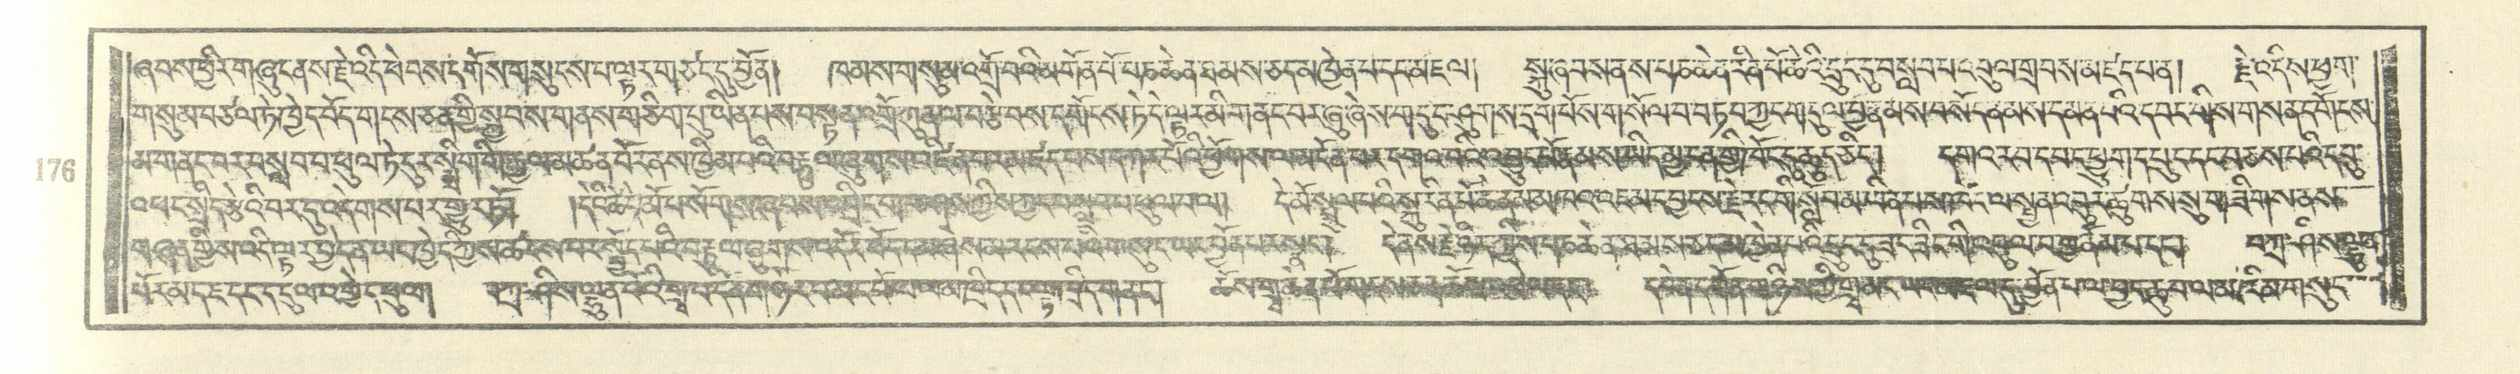ཞབས་ཕྱིར་གཞུང་ནས་རྗེ་འདི་ཕེབས་དགོས་གསུངས་པ་ལྟར་གཙང་དུ་བྱོན། ཁམས་གསུམ་འགྲོ་བའི་མགོན་པོ་པཎ་ཆེན་ཐམས་ཅད་མཁྱེན་པ་དད་མཇལ། སྐུ་ཞབས་ནས་པཎ་ཆེན་རིན་པོ་ཆེ་འི་དྲུང་དུ་བསླབ་པ་འབུལ་གྲབས་མཛད་པ་ན། རྗེ་འདིས་ཕྱག་
གསུམ་བཙལ་ཏེ་ཁྱེད་བོད་གངས་ཅན་གྱི་སྐྱབས་གནས་གཅིག་པུ་ཡིན་པས་བསྟན་འགྲོ་ཀུན་ལ་བརྩེབས་དགོངས་ཏེ་དེ་ལྟར་མི་གནང་བར་ཞུ་ཞེས་གདུང་ཤུགས་དྲག་པོས་གསོལ་བ་བཏབ་ཀྱང་གདུལ་བྱ་རྣམས་བསོད་ནམས་དམན་པའི་དབང་གིས་གསན་དགོངས་
མ་གནང་བར་བསླབ་བ་ཕུལ་ཏེ་དུར་སྨྲིག་གི་རྒྱལ་མཚན་བོར་ནས་ཁྱིམ་པའི་བརྟུལ་ཞུགས་འཛིན་པར་མཛད་པས་དཀར་པོའི་ཕྱོགས་ལ་མངོན་པར་དགའ་བའི་འབྱུང་པོ་རྣམས་ཡིད་མྱ་ངན་གྱི་ཁོང་དུ་ཆུད་ཅིང་། དགའ་རབ་དབང་ཕྱུག་དཔུང་དང་བཅས་པའི་དབུ་
འཕང་སྲིད་རྩེའི་བར་དུ་འདེགས་པར་གྱུར་ཏོ། །དེའི་ཚེ་དེ་མོ་པ་སོགས་ཞབས་འབྲིང་བ་ཁ་ཤས་ཀྱིས་ཀྱང་བསླབ་པ་ཕུལ་བ་ལ། དེ་མོ་སྤྲུལ་པའི་སྐུ་རིན་པོ་ཆེ་ནམ་མཁའ་འཇམ་དབྱངས་རྗེ་རང་གི་སློབ་མ་ཡིན་པས་ཁོང་ལ་སྤྱན་འབུར་ཚུགས་སུ་གཟིགས་ནས་
གཞན་གྱིས་འདི་ལྟར་བྱེད་ན་ཡང་ཁྱེད་ཀྱིས་ཚངས་པར་སྤྱོད་པའི་བརྟུལ་ཞུགས་འདོར་ཕོད་དམ་ཞེས་མ་རངས་པའི་གསུང་ཡང་བྱོན་པར་སྣང་། དེ་ནས་རྗེ་ཉིད་ཀྱིས་པཎ་ཆེན་ཐམས་ཅད་མཁྱེན་པའི་དྲུང་དུ་ཟང་ཟིང་གི་འབུལ་བ་རྒྱ་ནོམ་པ་དང་། བཀྲ་ཤིས་ལྷུན་
པོར་མད་ཇ་དང་ད་དུལ་འགྱེད་ཕུལ། བཀྲ་ཤིས་ལྷུན་པོའི་གྲྭ་པ་དོན་གཉེར་བ་མང་པོ་ལ་ལམ་ཁྲིད་དང་ལྟ་ཁྲིད་གནང་། ཆོས་གྲྭ་ཆེན་པོ་གངས་ཅན་ཆོས་འཕེལ་དང་། དབེན་དགོན་གཉིས་ཀྱི་གྲྭ་མང་ཡང་མཇལ་དུ་བྱོན་པ་ལ་བྱང་ཆུབ་ལམ་རིམ་གསུང་